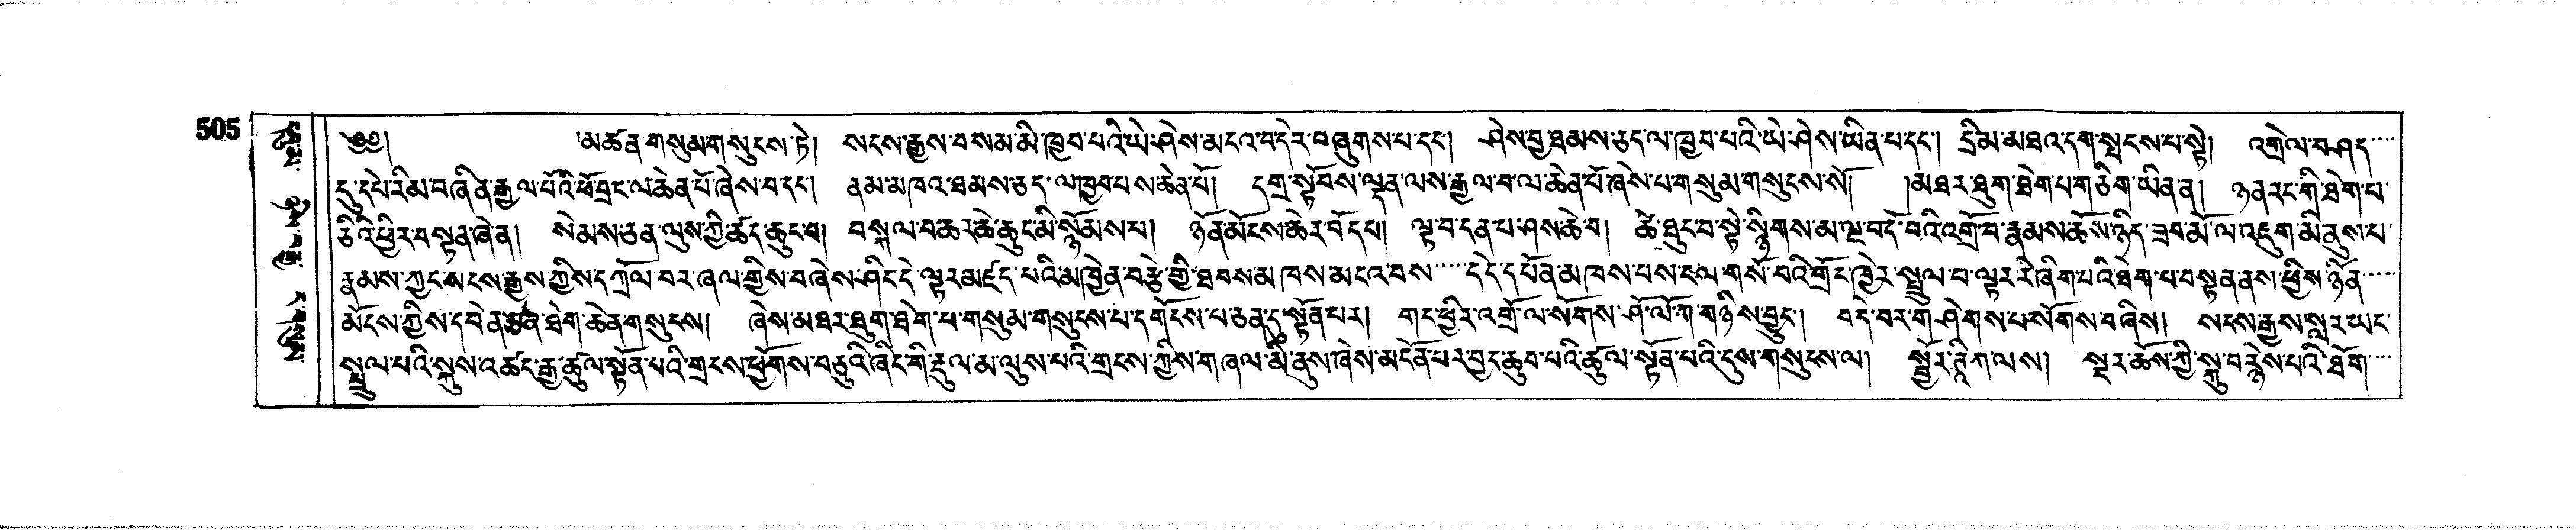༄༅། །མཚན་གསུམ་གསུངས་ཏེ། སངས་རྒྱས་བསམ་མི་ཁྱབ་པའི་ཡེ་ཤེས་མངའ་བ་དེར་བཞུགས་པ་དང་། ཤེས་བྱ་ཐམས་ཅད་ལ་ཁྱབ་པའི་ཡེ་ཤེས་ཡིན་པ་དང་། དྲི་མ་མཐའ་དག་སྤངས་པ་སྟེ། འགྲེལ་བཤད་
དུ་དཔེ་རིམ་བཞིན་རྒྱལ་པོའི་ཕོ་བྲང་ལ་ཆེན་པོ་ཞེས་པ་དང་། ནམ་མཁའ་ཐམས་ཅད་ལ་ཁྱབ་པས་ཆེན་པོ། དགྲ་སྟོབས་ལྡན་ལས་རྒྱལ་བ་ལ་ཆེན་པོ་ཞེས་པ་གསུམ་གསུངས་སོ། །མཐར་ཐུག་ཐེག་པ་གཅིག་ཡིན་ན། ཉན་རང་གི་ཐེག་པ་
ཅིའི་ཕྱིར་བསྟན་ཞེ་ན། སེམས་ཅན་ལུས་ཀྱི་ཚད་ཆུང་བ། བསྐལ་བ་ཆར་ཆེ་ཆུང་མི་སྙོམས་པ། ཉོན་མོངས་ཆེར་བོད་པ། ལྟ་བ་ངན་པ་ཤས་ཆེ་བ། ཚེ་ཐུང་བ་སྟེ་སྙིགས་མ་ལྔ་བ་དོ་བའི་འགྲོ་བ་རྣམས་ཆོས་ཉིད་ཟབ་མོ་ལ་འཇུག་མི་ནུས་པ་
རྣམས་ཀྱང་སངས་རྒྱས་ཀྱིས་དཀྲོལ་བར་ཞལ་གྱིས་བཞེས་ཤིང་དེ་ལྟར་མཛད་པའི་མཁྱེན་བརྩེ་གྱི་ཐབས་མཁས་མངའ་བས་དེད་དཔོན་མཁས་པས་ངལ་གསོ་བའི་གྲོང་ཁྱེར་སྤྲུལ་པ་ལྟར་རི་ཞིག་པའི་ཐེག་པ་བསྟན་ནས་ཕྱིས་ཉོན་
མོངས་ཀྱིས་དབེན་ཅན་ཐེག་ཆེན་གསུངས། ཞེས་མཐར་ཐུག་ཐེག་པ་གསུམ་གསུངས་པ་དགོངས་པ་ཅན་དུ་སྟོན་པར། གང་ཕྱིར་འགྲོ་ལ་སོགས་ཤོ་ལོ་ཀ་གཉིས་བྱུང་། བདེ་བར་གཤེགས་པ་སོགས་བཞིས། སངས་རྒྱས་སླར་ཡང་
སྤྲུལ་པའི་སྐུས་འཚང་རྒྱ་ཚུལ་སྟོན་པའི་གྲངས་ཕྱོགས་བཅུའི་ཞིང་གི་རྡུལ་མ་ལུས་པའི་གྲངས་ཀྱིས་གཞལ་མི་ནུས་ཞེས་མངོན་པར་བྱང་ཆུབ་པའི་ཚུལ་སྟོན་པའི་དུས་གསུངས་ལ། སྦྱོར་ཊཱིཀ་ལས། སྔར་ཆོས་ཀྱི་སྐུ་བརྙེས་པའི་ཐོག་